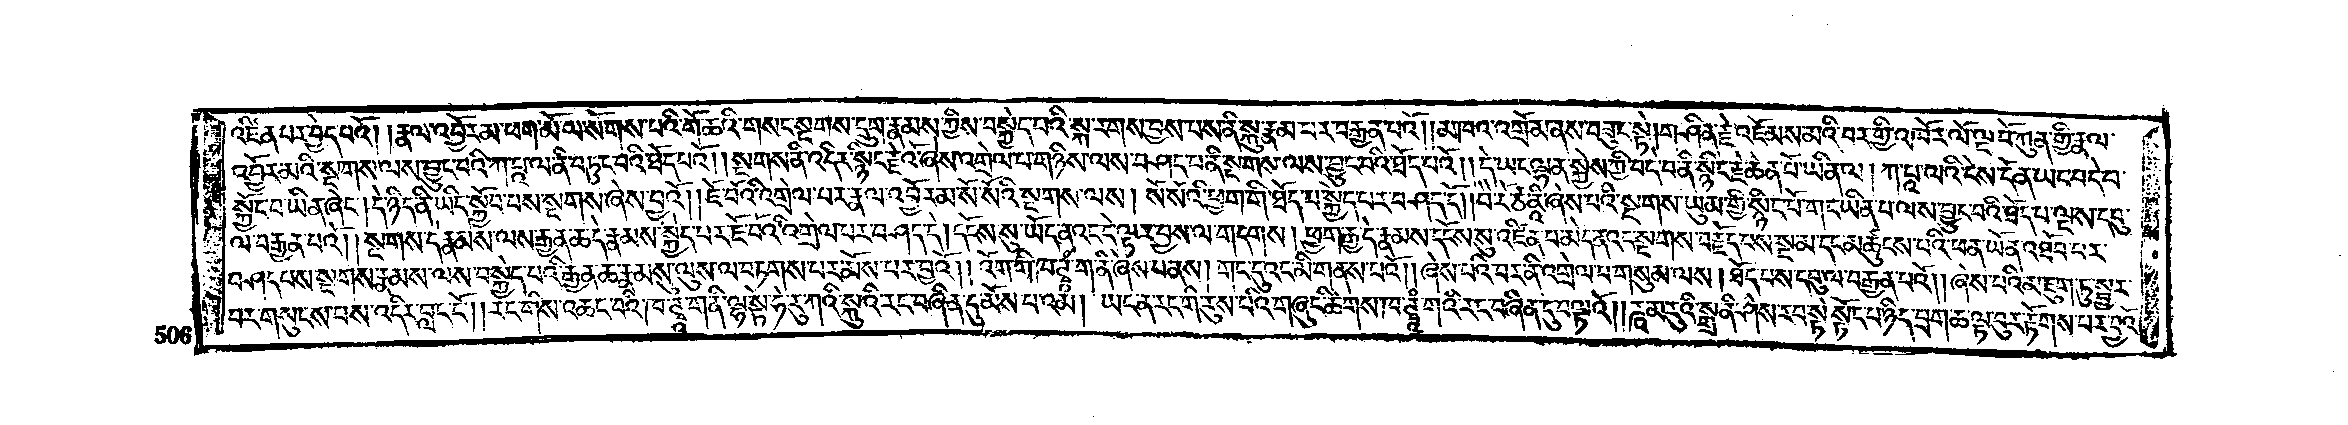འཛིན་པར་བྱེད་པའོ། །རྣལ་འབྱོར་མ་ཕག་མོ་ལ་སོགས་པའི་གོ་ཆའི་གསང་སྔགས་དྲུག་རྣམས་ཀྱིས་བསྐྱེད་པའི་སྐ་རགས་བྱས་པས་ནི་སྐུ་རྣམ་པར་བརྒྱན་པའོ། །མཁའ་འགྲོ་མ་ནས་བཟུང་སྟེ། གཤིན་རྗེ་འཇོམས་མའི་བར་གྱི་འཁོར་ལོ་ལྔ་པོ་ཀུན་གྱི་རྣལ་
འབྱོར་མའི་སྔགས་ལས་བྱུང་བའི་ཀ་པཱ་ལ་ནི་བཏུང་བའི་ཐོད་པའོ། །སྔགས་ནི་འདིར་སྙིང་རྗེའོ་ཞེས་འགྲེལ་པ་གཉིས་ལས་བཤད་པ་ནི་སྔགས་ལས་བྱུང་བའི་ཐོད་པའོ། །དེ་ཡང་ལྷན་སྐྱེས་ཀྱི་བདེ་བ་ནི་སྙིང་རྗེ་ཆེན་པོ་ཡིན་ལ། ཀ་པཱ་ལའི་ངེས་དོན་ཡང་བདེ་བ་
སྐྱོང་བ་ཡིན་ཞིང་། དེ་ཉིད་ནི་ཡིད་སྐྱོབ་པས་སྔགས་ཞེས་བྱའོ། །ཇོ་བོའི་འགྲེལ་པར་རྣལ་འབྱོར་མ་སོ་སོའི་སྔགས་ལས། སོ་སོའི་ཕྱག་གི་ཐེད་པ་སྐྱེད་པར་བཤད་དོ། །བཻ་རོ་ཙ་ནཱི་ཞེས་པའི་སྔགས་ཡུམ་གྱི་སྙིང་པོ་གང་ཡིན་པ་ལས་བྱུང་བའི་ཐོད་པ་ལྔས་དབུ་
ལ་བརྒྱན་པའོ། །སྔགས་དེ་རྣམས་ལས་རྒྱན་ཆ་དེ་རྣམས་སྐྱེད་པར་ཇོ་བོའི་འགྲེལ་པར་བཤད་དེ། དངོས་སུ་ཡོད་ནའང་དེ་ལྟར་བྱས་ལ་གདགས། ཕྱག་རྒྱ་དེ་རྣམས་དངོས་སུ་འཛིན་པ་མེད་ནའང་སྔགས་བརྗོད་པས་སྔ་མ་དང་མཚུངས་པའི་ཕན་ཡོན་འཐོབ་པར་
བཤད་པས་སྔགས་རྣམས་ལས་བསྐྱེད་པའི་རྒྱན་ཆ་རྣམས་ལུས་ལ་བཏགས་པར་མོས་པར་བྱའོ། །འོག་གི་ཁ་ཊྭཱཾ་ག་ནི་ཞེས་པ་ནས། གང་དུ་འང་མི་གནས་པའོ། །ཞེས་པའི་བར་ནི་འགྲེལ་པ་གསུམ་ལས། ཐོད་པས་དབུ་ལ་བརྒྱན་པའོ། །ཞེས་པའི་མཇུག་ཏུ་སྦྱར་
བར་གསུངས་པས་འདིར་བླང་ངོ། །རང་གིས་འཆང་བའི་ཁ་ཊྭཱཾ་ག་ནི་ལྷ་སྟེ་ཧེ་རུ་ཀའི་སྐུའི་རང་བཞིན་དུ་མོས་པ་འམ། ཡང་ན་རང་གི་རུས་པའི་གཞུང་ཚིགས་ཁ་ཊྭཱཾ་གའི་རང་བཞིན་དུ་བལྟའོ། །ཌཱ་མ་རུའི་སྒྲ་ནི་ཤེས་རབ་སྟེ་སྟོང་པ་ཉིད་བྲག་ཆ་ལྟ་བུར་རྟོགས་པར་བྱའོ་